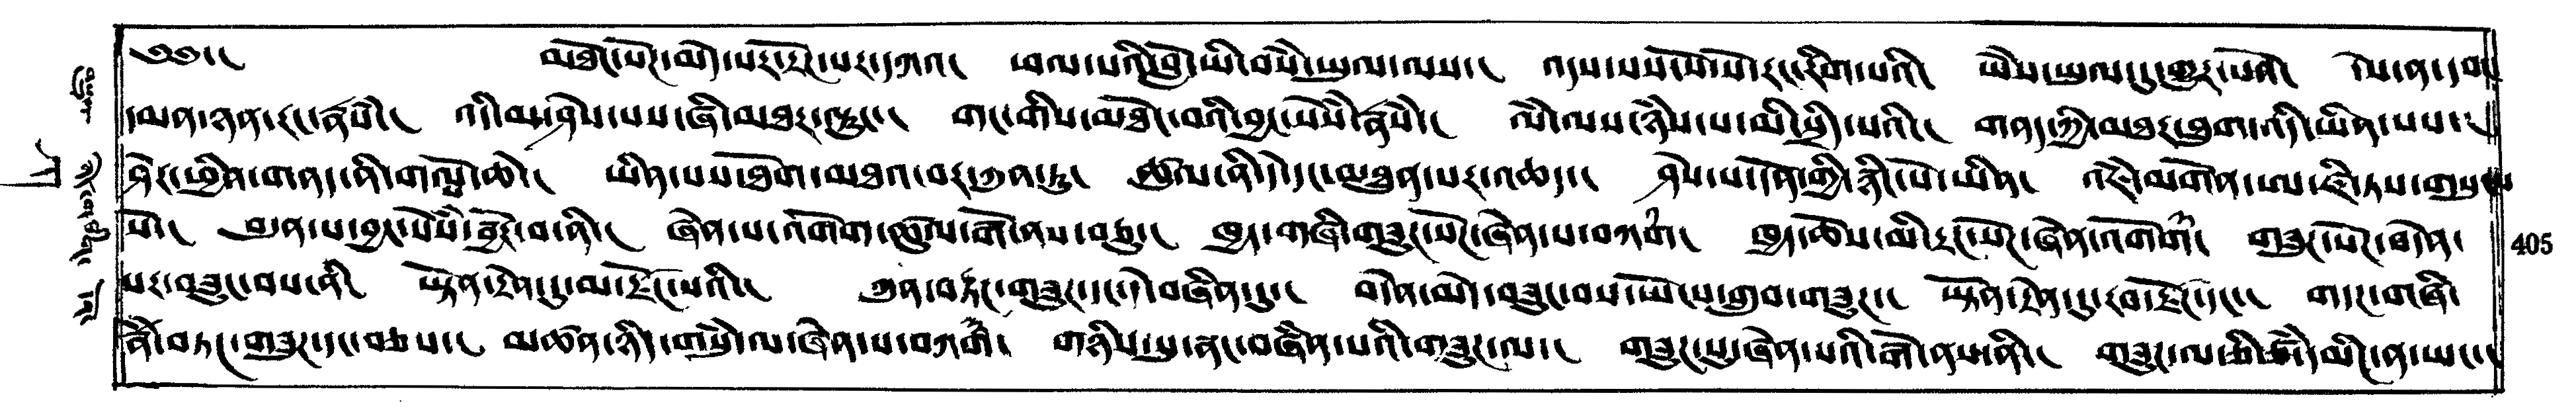།མཐོང་སོགས་མེད་པར་རྟོགས་པར་དཀའ། །ཕལ་པའི་བློ་ཡི་བསམ་ཡུལ་ལས། །འདས་པས་སོ་སོ་རང་རིག་པའི། །ཡེ་ཤེས་ཡུལ་དུ་གྱུར་པའོ། །དེས་ན་དབང་
དམན་ཉན་རང་རྣམས། །འདི་མ་ཤེས་པས་ཞི་མཐར་ལྟུང་། །གང་གིས་མཐོང་བའི་བྱང་སེམས་རྣམས། །ལམ་ལས་ཉམས་པ་མི་སྲིད་པའི། །གནད་ཀྱི་མཐར་ཐུག་འདི་ཡིན་པས། །
ཤེར་ཕྱིན་གནད་ནི་གལ་པོ་ཆེ། །ཡིན་པས་ཐོག་མཐའ་བར་ཀུན་ཏུ། །ཚུལ་ནི་དེ་དང་མཐུན་པར་འཆད། །ཤེས་པ་དོན་གྱི་སྙིང་པོ་ཡིན། །འཇམ་མགོན་ཨ་ཛི་ཏས་གསུངས་
སོ། །བདུན་པ་བྱང་སེམས་སྦྱོར་བ་ནི། །ཞེན་པ་འགོག་ཚུལ་སྒོ་ནས་བཅུ། ཁྱད་གཞི་གཟུགས་སོགས་ཞེན་པ་བཀག ཁྱད་ཆོས་མི་རྟག་སོགས་ཞེན་འགོག །གཟུགས་སོགས་བདེན་
པར་བཟུང་བས་ནི། །ཡོན་ཏན་རྟེན་དུ་མ་རྫོགས་པའི། །ཀུན་བརྟགས་གཟུགས་དང་དེ་བཞིན་དུ། །བདེན་མཻད་བཟུང་བས་ཡོངས་གྲུབ་གཟུགས། །ཡོན་ཏན་རྟེན་དུ་རབ་རྫོགས་དང་། །གདགས་གཞི་
རྣམ་བཏགས་གཟུགས་དང་བཅས། །མཚན་ཉིད་གསུམ་ལ་ཞེན་པ་བཀག །གཉིས་སུ་སྣང་བཞིན་པའི་གཟུགས་ལ། །གཟུགས་སུ་ཞེན་པའི་སྒོ་ནས་ནི། །གཟུགས་ལ་ཅི་ཙམ་དམིགས་ན་ཡང་། །